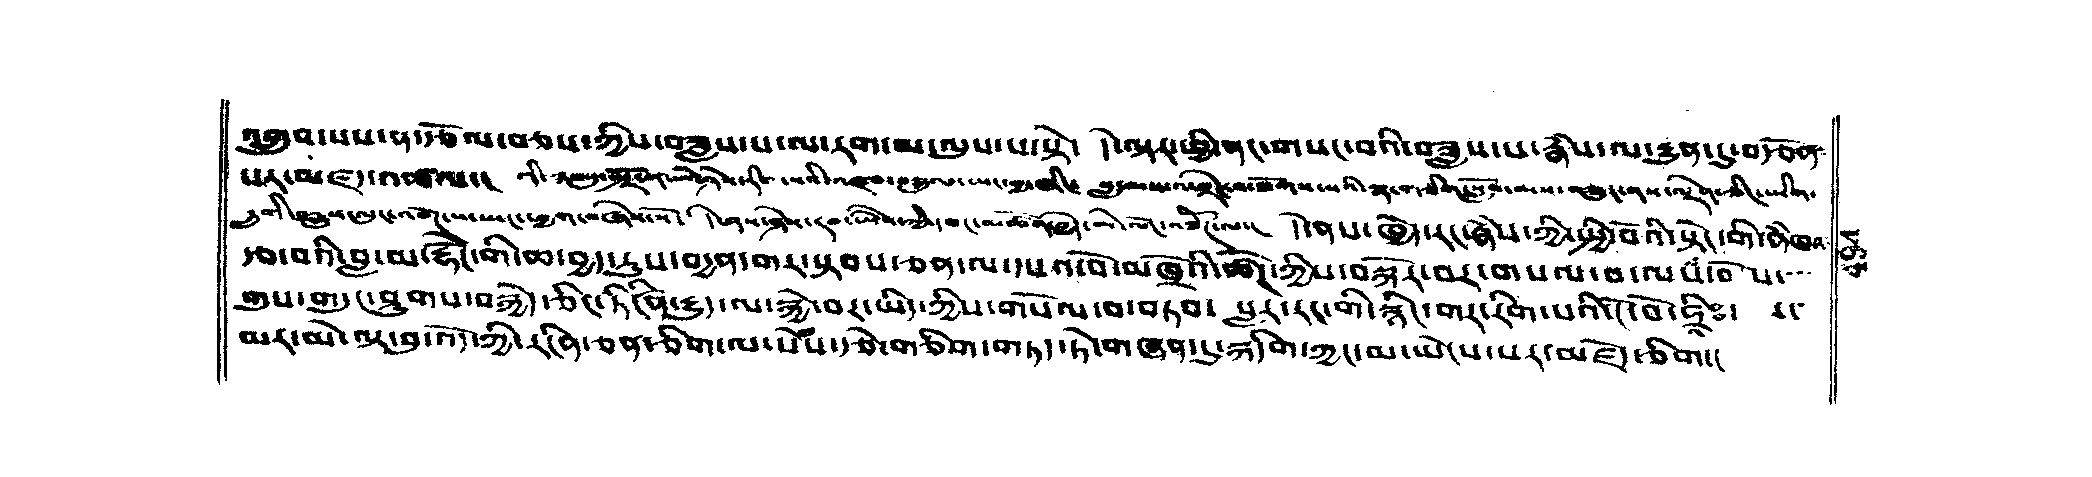འགྲུབ་པས་ན་རྩོལ་བཅས་ཀྱིས་བཟླས་པ་ལ་རག་མ་ལུས་པ་སྟེ། དེ་ལྟར་ཕྱི་ནང་གསང་བའི་བཟླས་པ་རྣམས་ལ་རྒྱུན་དུ་བརྩོན་
པར་མཛད་འཚལ། འདི་སྐབས་སུ་སྤྲོ་ན་ཡེ་ཤེས་རིག་པའི་འཛབ་དབྱངས་ཡང་བྱ་ཞིང་། བླ་མས་འཕྲེང་བ་འཐོགས་པའི་སྣ་གཅིག་སློབ་མས་བཟུང་ནས་འདྲེན་ཅིང་ཡིག་
དྲུག་གི་བཟླས་ལུང་འབོགས་པ་ཡང་ཕྱག་བཞེས་སོ། དེ་ནས་ཤེས་རབ་ཡེ་ཤེས་ཀྱི་དབང་མཚོན་བྱེད་མེ་ལོང་འཐོགས་ལ། དེ་ནས་ཁྱེད་རང་རྣམས་ཀྱི་སྤྱི་བོའི་སྟེང་གི་ནམ་མཁར་
རྩ་བའི་བླ་མ་རྡོ་རྗེ་འཆང་གི་ཆ་བྱད་རུས་བརྒྱན་གར་སྟབས་ཅན་ལ་དཔའ་བོ་མཁའ་འགྲོའི་ཚོགས་ཀྱིས་བསྐོར་བར་གསལ་བ་ལས་མོས་
གུས་གདུང་ཤུགས་བསྐྱེདཅིང་ཏིང་འཛིན་རྒྱུད་ལ་སྐྱེ་བར་ཡིད་ཀྱིས་གསོལ་བ་བཏབ། སླར་རང་གི་སྙིང་གར་རིག་པའི་ངོ་བོ་ཧྲཱིཿ ཡང་
མར་མེ་ལྟ་བུ་འོད་ཀྱི་རང་བཞིན་ཅན་གཅིག་ལ་སེམས་རྩེ་གཅིག་གཏད་དེ་གཞན་དུ་སྐད་ཅིག་ཀྱང་མ་མ་ཡེངས་པར་མཛོད་ཅིག་